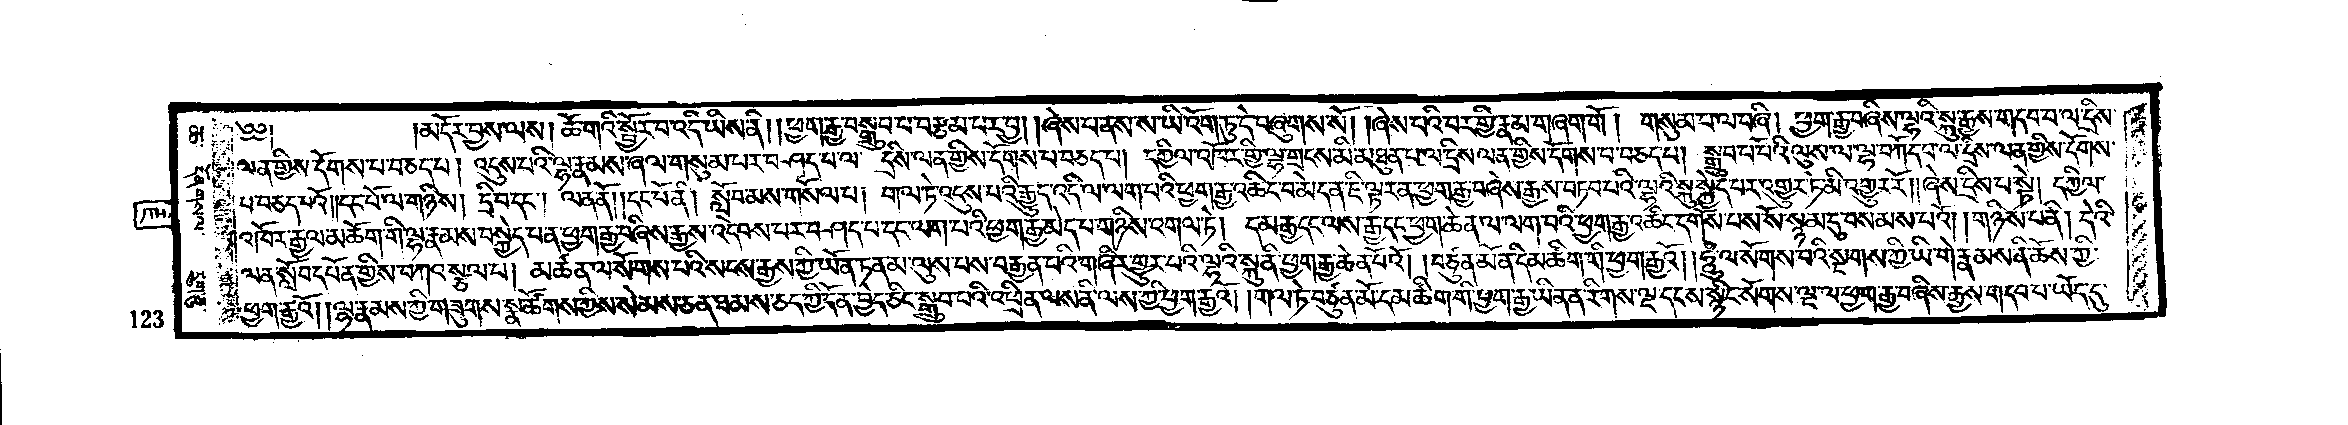༄༅། །མདོར་བྱས་ལས། ཆོ་གའི་སྦྱོར་བ་འདི་ཡིས་ནི། །ཕྱག་རྒྱ་བསྒྲུབ་པ་བརྩམ་པར་བྱ། །ཞེས་པ་ནས་ས་ཡི་འོག་ཏུ་དེ་བཞུགས་སོ། །ཞེས་པའི་བར་གྱི་རྣམ་གཞག་གོ །གསུམ་པ་ལ་བཞི། ཕྱག་རྒྱ་བཞིས་ལྷའི་སྐུ་རྒྱས་གདབ་བ་ལ་དྲིས་
ལན་གྱིས་དོགས་པ་བཅད་པ། འདུས་པའི་ལྷ་རྣམས་ཞལ་གསུམ་པར་བཤད་པ་ལ་དྲིས་ལན་གྱིས་དོགས་པ་བཅད་པ། དཀྱིལ་འཁོར་གྱི་ལྷ་གྲངས་མི་མཐུན་པ་ལ་དྲིས་ལན་གྱིས་དོགས་པ་བཅད་པ། སྒྲུབ་པ་པོའི་ལུས་ལ་ལྷ་བཀོད་པ་ལ་དྲིས་ལན་གྱིས་དོགས་
པ་བཅད་པའོ། །དང་པོ་ལ་གཉིས། དྲི་བ་དང་། ལན་ནོ། །དང་པོ་ནི། སློབ་མས་གསོལ་པ། གལ་ཏེ་འདུས་པའི་རྒྱུད་འདི་ལ་ལག་པའི་ཕྱག་རྒྱ་འཆིང་བ་མེད་ན་ཇི་ལྟར་ན་ཕྱག་རྒྱ་བཞེས་རྒྱས་བཏབ་པའི་ལྷའི་སྐུ་སྐྱེད་པར་འགྱུར་ཏེ་མི་འགྱུར་རོ། །ཞེས་དྲིས་པ་སྟེ། དཀྱིལ་
འཁོར་རྒྱལ་མཆོག་གི་ལྷ་རྣམས་བསྐྱེད་པ་ན་ཕྱག་རྒྱ་བཞིས་རྒྱས་འདེབས་པར་བཤད་པ་དང་ལག་པའི་ཕྱག་རྒྱ་མེད་པ་གཉིས་འགལ་ཏེ། དམ་རྒྱ་དང་ལས་རྒྱ་དང་ཕྱག་ཆེན་ལ་ལག་པའི་ཕྱག་རྒྱ་འཆིང་དགོས་པས་སོ་སྙམ་དུ་བསམས་པའོ། །གཉིས་པ་ནི། དེའི་
ལན་སློབ་དཔོན་གྱིས་བཀའ་སྩལ་པ། མཚན་ལ་སོགས་པའི་སངས་རྒྱས་ཀྱི་ཡོན་ཏན་མ་ལུས་པས་བརྒྱན་པའི་གཞིར་གྱུར་པའི་ལྷའི་སྐུ་ནི་ཕྱག་རྒྱ་ཆེན་པོའོ། །བཙུན་མོ་ནི་དམ་ཚིག་གི་ཕྱག་རྒྱའོ། །ཧཱུཾ་ལ་སོགས་པའི་སྔགས་ཀྱི་ཡི་གེ་རྣམས་ནི་ཆོས་ཀྱི་
ཕྱག་རྒྱའོ། །ལྷ་རྣམས་ཀྱི་གཟུགས་སྣ་ཚོགས་ཀྱིས་སེམས་ཅན་ཐམས་ཅད་ཀྱི་དོན་བྱེད་ཅིང་སྒྲུབ་པའི་འཕྲིན་ལས་ནི་ལས་ཀྱི་ཕྱག་རྒྱའོ། །གལ་ཏེ་བཙུན་མོ་དམ་ཚིག་གི་ཕྱག་རྒྱ་ཡིན་ན་རིགས་ལྔ་དང་ས་སྙིང་སོགས་ལྔ་ལ་ཕྱག་རྒྱ་བཞིས་རྒྱས་གདབ་པ་ཡོད་དུ་